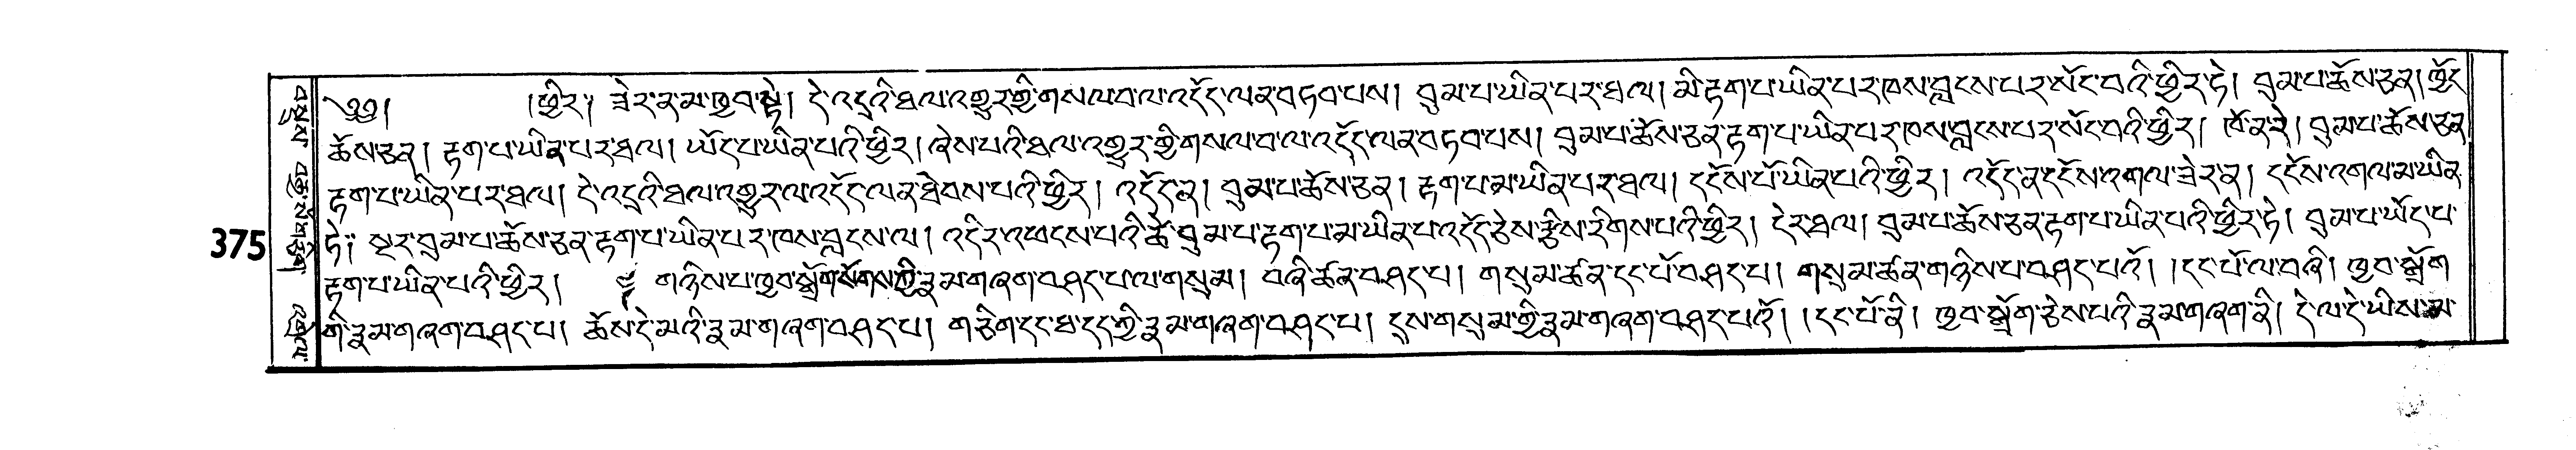༄༅། །ཕྱིར༑ ཟེར་ན་མ་ཁྱབ་སྟེ། དེ་འདྲའི་ཐལ་འགྱུར་གྱི་གསལ་བ་ལ་འདོད་ལན་བཏབ་པས། བུམ་པ་ཡིན་པར་ཐལ། མི་རྟག་པ་ཡིན་པར་ཁས་བླངས་པར་སོང་བའི་ཕྱིར་ཏེ། བུམ་པ་ཆོས་ཅན། ཁྱོད་
ཆོས་ཅན། རྟག་པ་ཡིན་པར་ཐལ། ཡོད་པ་ཡིན་པའི་ཕྱིར། ཞེས་པའི་ཐལ་འགྱུར་གྱི་གསལ་བ་ལ་འདོད་ལན་བཏབ་པས། བུམ་པ་ཆོས་ཅན་རྟག་པ་ཡིན་པར་ཁས་བླངས་པར་སོང་བའི་ཕྱིར། ཁོ་ན་རེ། བུམ་པ་ཆོས་ཅན་
རྟག་པ་ཡིན་པར་ཐལ། དེ་འདྲའི་ཐལ་འགྱུར་ལ་འདོད་ལན་ཐེབས་པའི་ཕྱིར། འདོད་ན། བུམ་པ་ཆོས་ཅན། རྟག་པ་མ་ཡིན་པར་ཐལ། དངོས་པོ་ཡིན་པའི་ཕྱིར། འདོད་ན་དངོས་འགལ་ཟེར་ན། དངོས་འགལ་མ་ཡིན་
ཏེ༑ སྔར་བུམ་པ་ཆོས་ཅན་རྟག་པ་ཡིན་པར་ཁས་བླངས་ལ། འདིར་འཕངས་པའི་ཚེ་བུམ་པ་རྟག་པ་མ་ཡིན་པ་འདོད་ཅེས་རྩིས་རིགས་པའི་ཕྱིར། དེར་ཐལ། བུམ་པ་ཆོས་ཅན་རྟག་པ་མ་ཡིན་པའི་ཕྱིར་ཏེ། བུམ་པ་ཡོད་པ་
རྟག་པ་ཡིན་པའི་ཕྱིར། ༈ གཉིས་པ་ཁྱབ་སྒྲོག་སོགས་ཀྱི་རྣམ་གཞག་བཤད་པ་ལ་གསུམ། བཞི་ཚན་བཤད་པ། གསུམ་ཚན་དང་པོ་བཤད་པ། གསུམ་ཚན་གཉིས་པ་བཤད་པའོ། །དང་པོ་ལ་བཞི། ཁྱབ་སྒྲོག་
གི་རྣམ་གཞག་བཤད་པ། ཆོས་དེ་མའི་རྣམ་གཞག་བཤད་པ། གཅིག་དང་ཐ་དད་ཀྱི་རྣམ་གཞག་བཤད་པ། དུས་གསུམ་གྱི་རྣམ་གཞག་བཤད་པའོ། །དང་པོ་ནི། ཁྱབ་སྒྲོག་ཅེས་པའི་རྣམ་གཞག་ནི། དེ་ལ་དེ་ཡིས་མ་